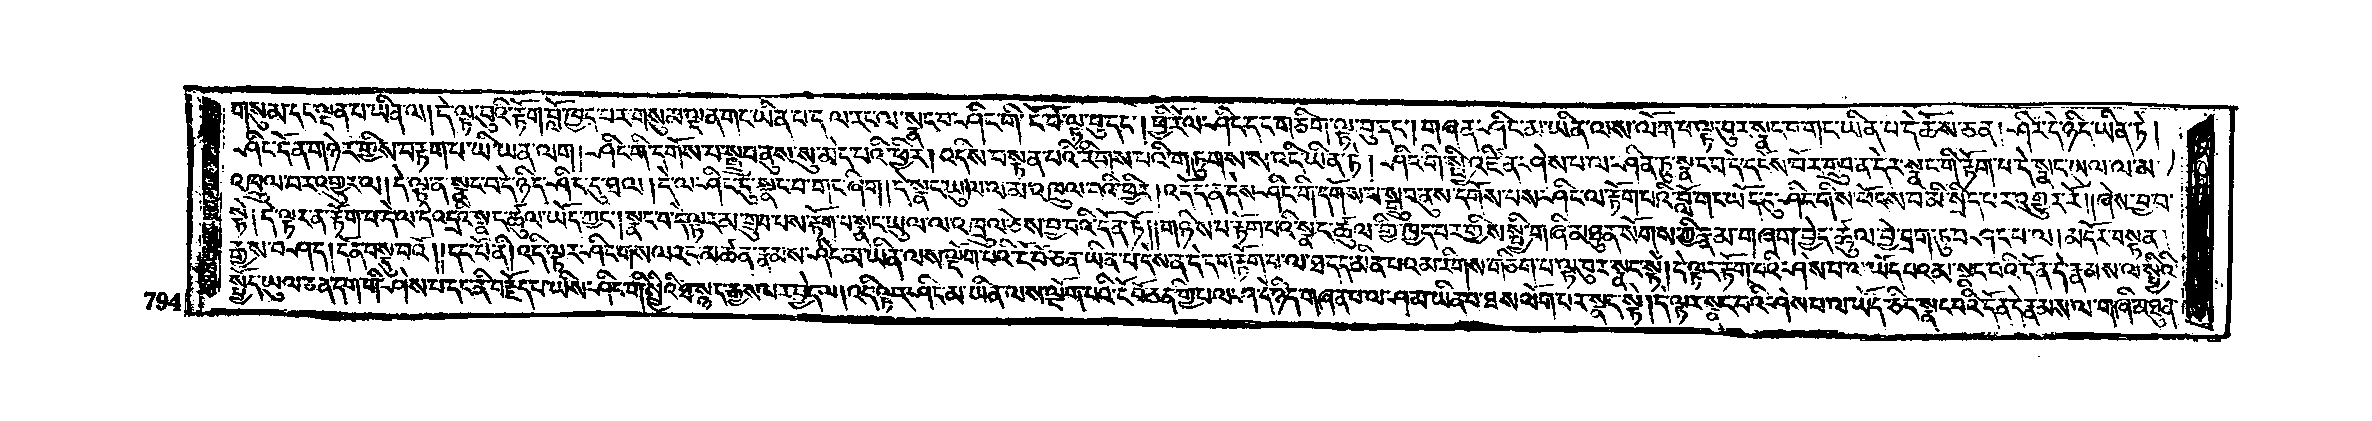གསུམ་དང་ལྡན་པ་ཡིན་ལ། དེ་ལྟ་བུའི་རྟོག་བློ་ཁྱད་པར་གསུམ་ལྡན་གང་ཡིན་པ་དེ་ལ་རང་ལ་སྣང་བ་ཤིང་གི་ངོ་བོ་ལྟ་བུ་དང་། ཕྱི་རོལ་ཤིང་དང་གཅིག་ལྟ་བུ་དང་། གཞན་ཤིང་མ་ཡིན་ལས་ལོག་པ་ལྟ་བུར་སྣང་བ་གང་ཡིན་པ་དེ་ཆོས་ཅན། ཤིང་དེ་ཉིད་ཡིན་ཏེ།
ཤིང་དོན་གཉེར་གྱིས་བརྟག་པ་ཡི་ཡན་ལག །ཤིང་གི་དགོས་པ་སྒྲུབ་ནུས་སུ་མེད་པའི་ཕྱིར། འདིས་བསྟན་པའི་རིགས་པའི་གཏུགས་ས་འདི་ཡིན་ཏེ། ཤིང་གི་སྤྱི་འཛིན་ཤེས་པ་ལ་ཤིན་ཏུ་སྣང་བ་དེ་དངོས་པོར་གྲུབ་ན་དེར་སྣང་གི་རྟོག་པ་དེ་སྣང་ཡུལ་ལ་མ་
འཁྲུལ་བར་འགྱུར་ལ། དེ་ལྟ་ན་སྣང་བ་དེ་ཉིད་ཤིང་དུ་ཐལ། དེ་ལ་ཤིང་དུ་སྣང་བ་གང་ཞིག །དེ་སྣང་ཡུལ་ལ་མ་འཁྲུལ་བའི་ཕྱིར། འདོད་ན་དེས་ཤིང་གི་དགོས་པ་སྒྲུབ་ནུས་དགོས་པས་ཤིང་ལ་རྟོག་པའི་བློ་གང་ཡོད་དུ་ཤིང་གིས་ཕོངས་པ་མི་སྲིད་པར་འགྱུར་རོ། །ཞེས་བྱ་བ་
སྟེ། དེ་ལྟར་ན་རྟོག་པ་དེ་ལ་དེ་འདྲའི་སྣང་ཚུལ་ཡོད་ཀྱང་། སྣང་བ་དེ་ལྟར་མ་གྲུབ་པས་རྟོག་པ་སྣང་ཡུལ་ལ་འཁྲུལ་ཅེས་བྱ་བའི་དོན་ཏོ། །གཉིས་པ་རྟོག་པའི་སྣང་ཚུལ་གྱི་ཁྱད་པར་གྱིས་སྤྱི་གཞི་མཐུན་སོགས་ཀྱི་རྣམ་གཞག་བྱེད་ཚུལ་བྱེ་བྲག་ཏུ་བཤད་པ་ལ། མདོར་བསྟན་
རྒྱས་བཤད། དོན་བསྡུ་བའོ། །དང་པོ་ནི། འདི་ལྟར་ཤིང་གསལ་རང་མཚན་རྣམས་ཤིང་མ་ཡིན་ལས་ལྡོག་པའི་ངོ་བོ་ཅན་ཡིན་པ་དེས་ན་དེ་དག་རྟོག་པ་ལ་ཐ་དད་མིན་པའམ་རིགས་གཅིག་པ་ལྟ་བུར་སྣང་སྟེ། དེ་ལྟར་རྟོག་པའི་ཤེས་པ་ལ་ཡོད་པའམ་སྣང་བའི་དོན་དེ་རྣམས་ལ་སྤྱིའི་
སྤྱོད་ཡུལ་ཅན་དག་གི་ཤེས་པ་དང་ནི་བརྗོད་པ་ཡིས་ཤིང་གི་སྤྱིའི་ཐ་སྙད་རྒྱས་པར་བྱེད་ལ། འདི་ལྟར་ཤིང་མ་ཡིན་ལས་ལྡོག་པའི་ངོ་བོ་ཅན་གྱི་པལ་ཤ་དེ་ཉིད་གཞན་པ་ལ་ཤ་མ་ཡིན་པ་ཐས་ལོག་པར་སྣང་སྟེ། དེ་ལྟར་སྣང་བའི་ཤེས་པ་ལ་ཡོད་ཅིང་སྣང་བའི་དོན་དེ་རྣམས་ལ་གཞི་མཐུན་